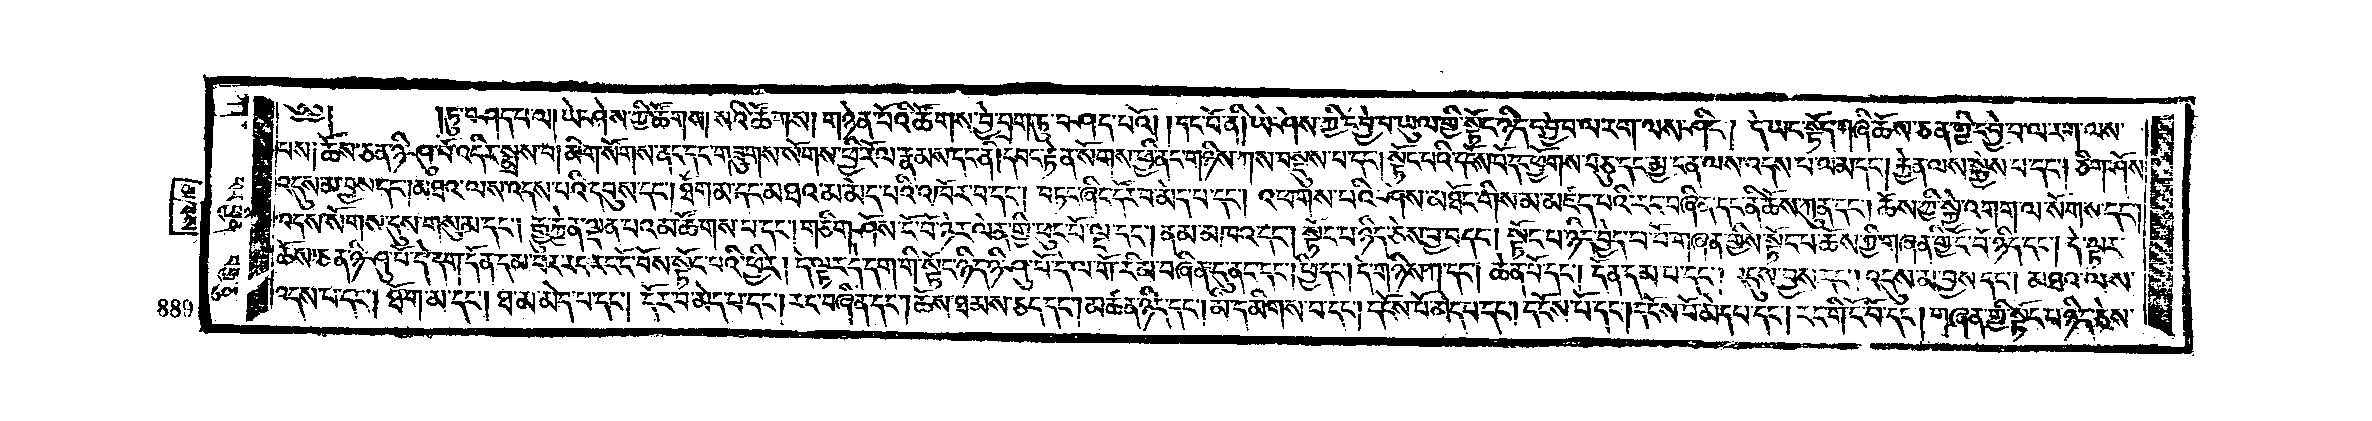༄༅། །ཏུ་བཤད་པ་ལ། ཡེ་ཤེས་ཀྱི་ཚོགས། སའི་ཚོགས། གཉེན་པོའི་ཚོགས་བྱེ་བྲག་ཏུ་བཤད་པའོ། །དང་པོ་ནི། ཡེ་ཤེས་ཀྱི་དབྱེ་བ་ཡུལ་གྱི་སྟོང་ཉིད་དབྱེ་བ་ལ་རག་ལས་ཤིང་། དེ་ཡང་སྟོད་གཞི་ཆོས་ཅན་གྱི་དབྱེ་བ་ལ་རག་ལས་
པས༑ ཆོས་ཅན་ཉི་ཤུ་པོ་འདིར་སྨྲས་པ། མིག་སོགས་ནང་དང་གཟུགས་སོགས་ཕྱི་རོལ་རྣམས་དང་ནི། དབང་རྟེན་སོགས་ཕྱི་ནང་གཉིས་ཀས་བསྡུས་པ་དང་། སྟོང་པའི་དངོས་པོ་དང་ཕྱོགས་བཅུ་དང་མྱ་ངན་ལས་འདས་པ་ལམ་དང་། རྐྱེན་ལས་སྐྱེས་པ་དང་། ཅིག་ཤོས་
འདུས་མ་བྱས་དང་། མཐའ་ལས་འདས་པའི་དབུས་དང་། ཐོག་མ་དང་མཐའ་མ་མེད་པའི་འཁོར་བ་དང་། བཏང་ཞིང་དོར་བ་མེད་པ་དང་། འཕགས་པའི་ཤེས་མཐོང་གིས་མ་མཛད་པའི་རང་བཞིན་དང་ནི་ཆོས་ཀུན་དང་། ཆོས་ཀྱི་སྐྱེ་འགག་ལ་སོགས་དང་།
འདས་སོགས་དུས་གསུམ་དང་། རྒྱུ་རྐྱེན་ལྡན་པའམ་ཚོགས་པ་དང་། གཅིག་ཤོས་ངོ་བོ་ཉེར་ལེན་གྱི་ཕུང་པོ་ལྔ་དང་། ནམ་མཁའ་དང་། སྟོང་པ་ཉིད་ཅེས་བྱ་བ་དང་། སྟོང་པ་ཉིད་བྱེད་པ་པོ་གཞན་གྱིས་སྟོང་པ་ཆོས་ཀྱི་གཞན་གྱི་ངོ་བོ་ཉིད་དང་། དེ་ལྟར་
ཆོས་ཅན་ཉི་ཤུ་པོ་དེ་དག་དོན་དམ་པར་རང་རང་ངོ་བོས་སྟོང་པའི་ཕྱིར། དེ་ལྟར་དེ་དག་གི་སྟོང་ཉིད་ཉི་ཤུ་པོ་དེ་ལ་གོ་རིམ་བཞིན་དུ་ནང་དང་། ཕྱི་དང་། དེ་གཉིས་ཀ་དང་། ཆེན་པོ་དང་། དོན་དམ་པ་དང་། འདུས་བྱས་དང་། འདུས་མ་བྱས་དང་། མཐའ་ལས་
འདས་པ་དང་། ཐོག་མ་དང་། ཐ་མ་མེད་པ་དང་། དོར་བ་མེད་པ་དང་། རང་བཞིན་དང་། ཆོས་ཐམས་ཅད་དང་། མཚན་ཉིད་དང་། མི་དམིགས་པ་དང་། དངོས་པོ་མེད་པ་དང་། དངོས་པོ་དང་། དངོས་པོ་མེད་པ་དང་། རང་གི་ངོ་བོ་དང་། གཞན་གྱི་སྟོང་པ་ཉིད་ཅེས་